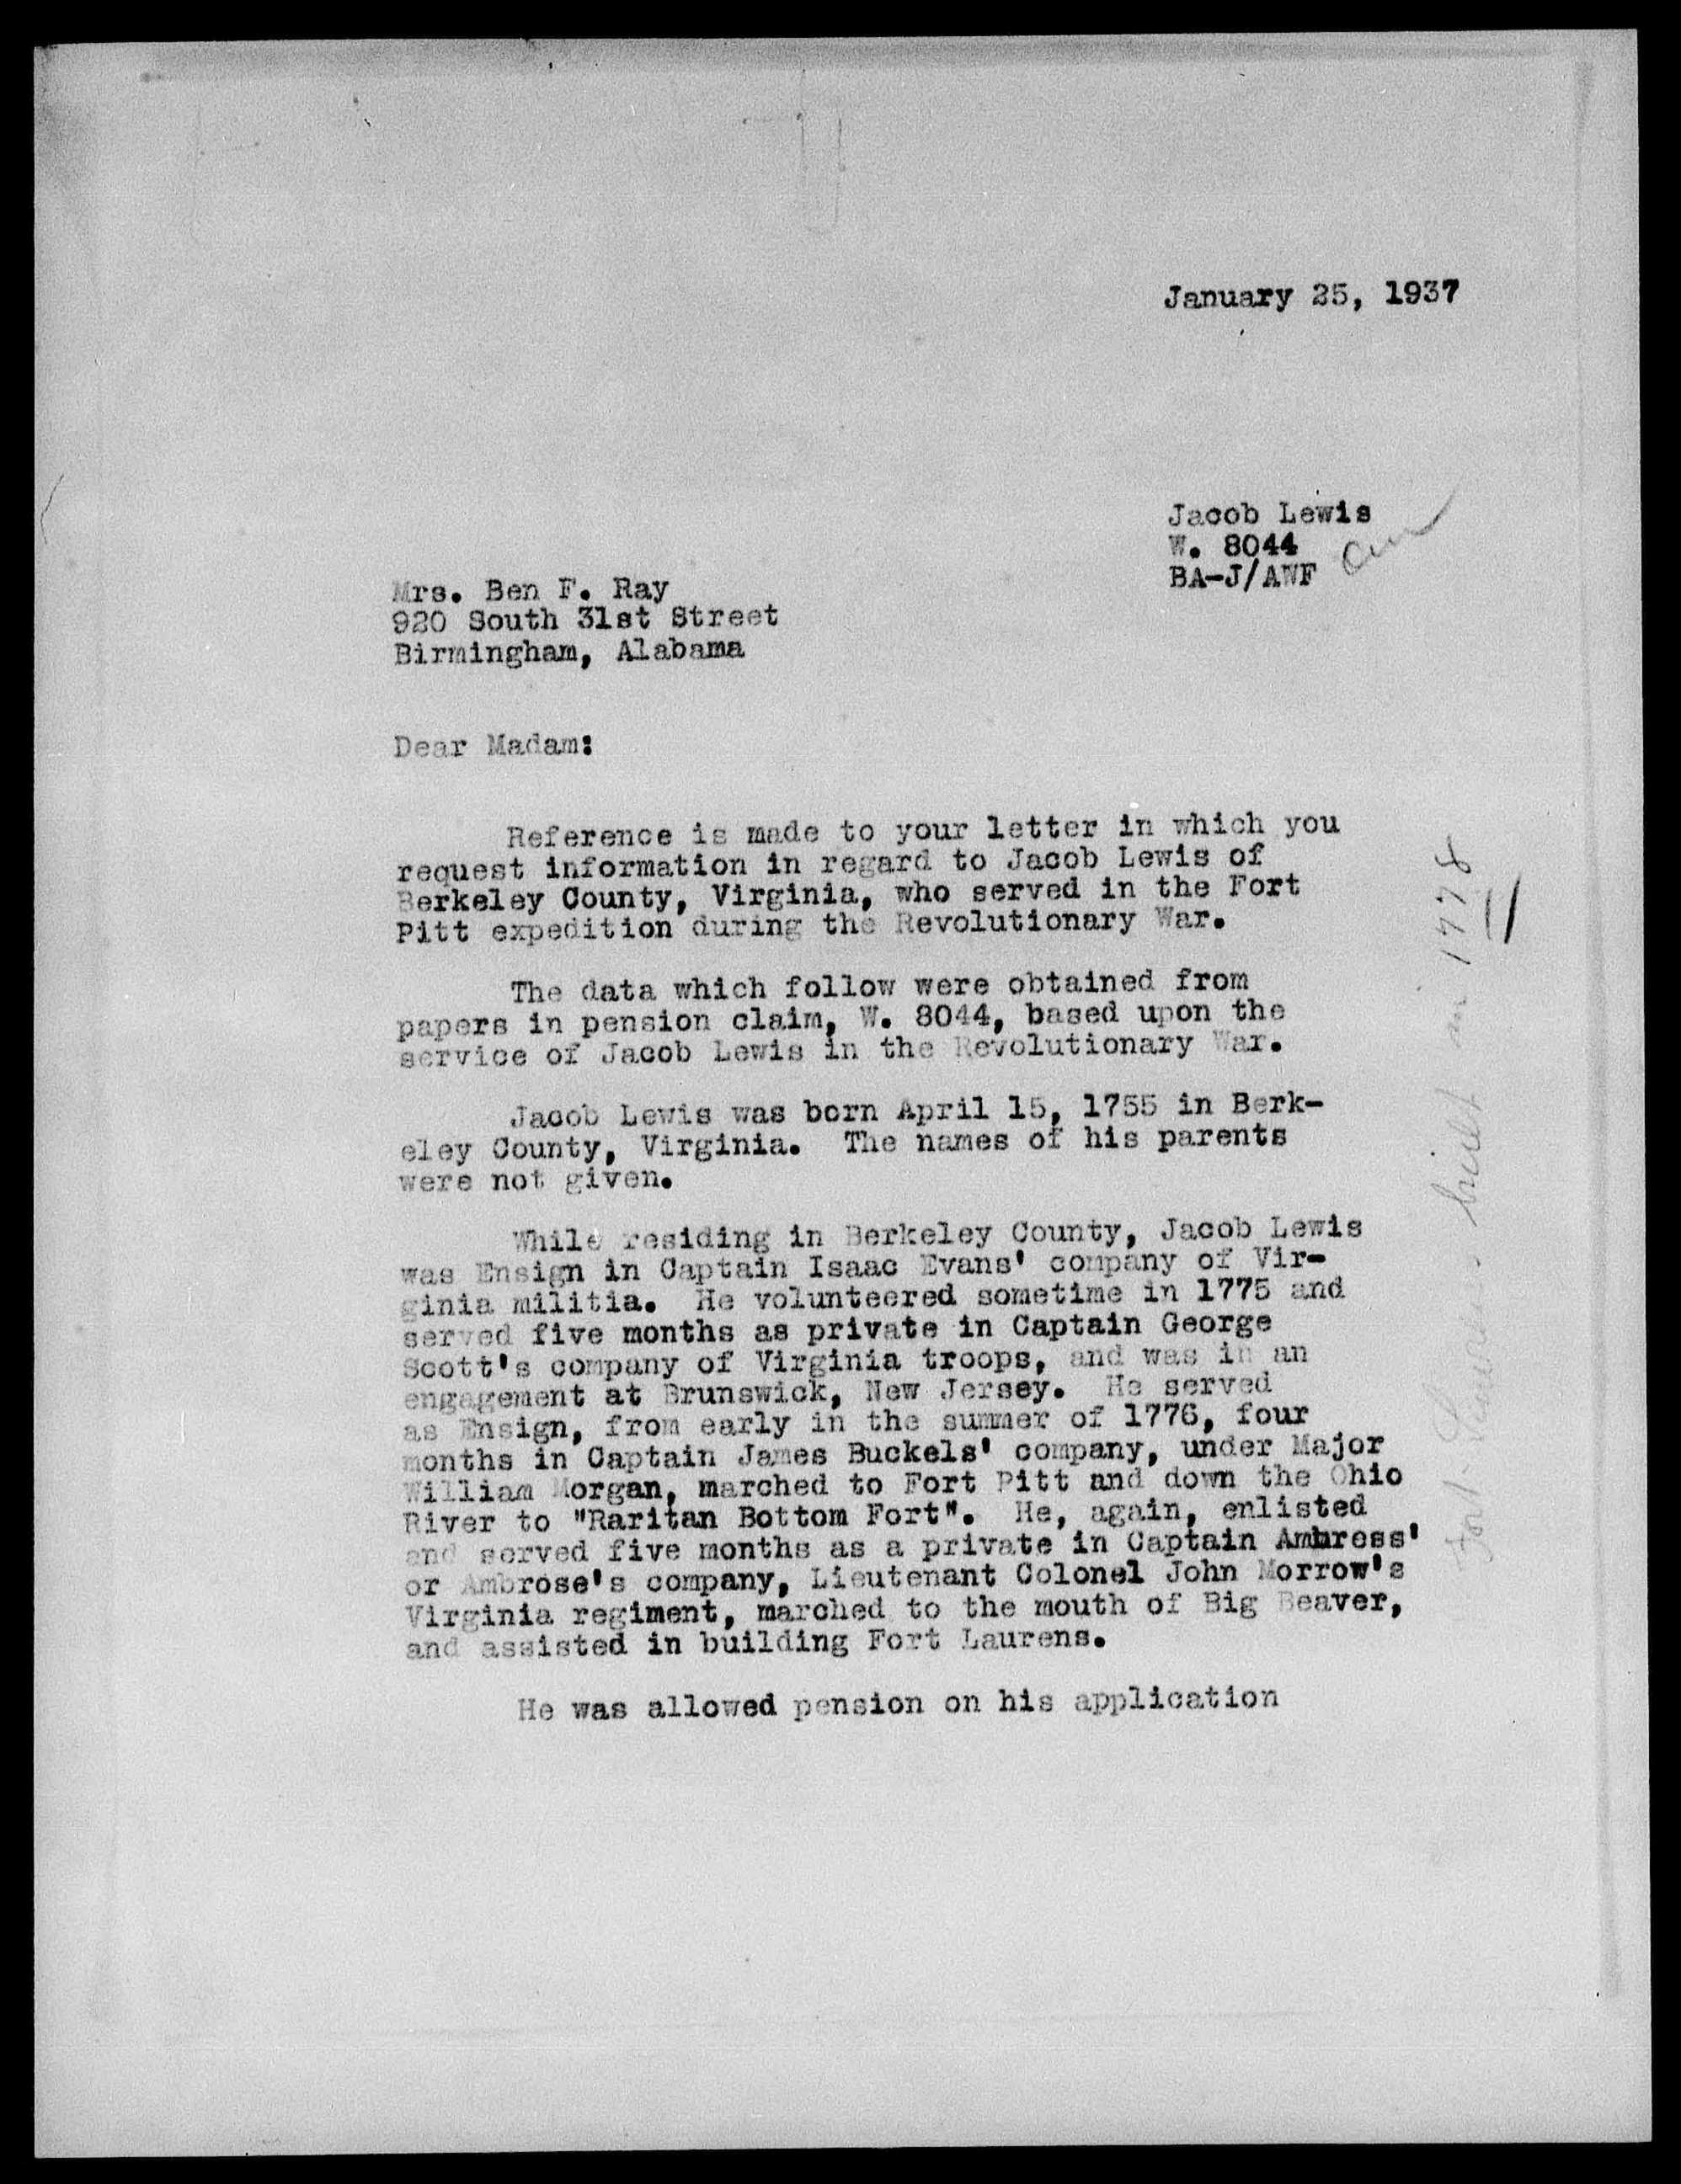Jacob Lewis 
W. 8044
BA-J/AWF
our

Mrs. Ben F. Ray
920 South 31st Street
Birmingham, Alabama
Dear Madam:
Reference is made to your letter in which you request information in regard to Jacob Lewis of Berkeley County, Virginia, who served in the Fort Pitt expedition during the Revolutionary War.
The data which follow were obtained from papers in pension claim, W. 8044, based upon the service of Jacob Lewis in the Revolutionary War.
Jacob Lewis was born April 15, 1755 in Berkeley County, Virginia.  The names of his parents were not given.
While residing in Berkeley County, Jacob Lewis was Ensign in Captain Isaac Evans' company of Virginia militia.  He volunteered sometime in 1775 and served five months as private in Captain George Scott's company of Virginia troops, and was in an engagement at Brunswick, New Jersey.  He served as Ensign, from early in the summer of 1776, four months in Captain James Buckels' company, under Major William Morgan, marched to Fort Pitt and down the Ohio River to "Raritan Bottom Fort".  He, again, enlisted and served five months as a private in Captain Ambross' or Ambrose's company, Lieutenant Colonel John Morrow's Virginia regiment, marched to the mouth of Big Beaver, and assisted in building Fort Laurens.
He was allowed pension on his application

Fort Laurens built in 1778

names: Jacob Lewis; Ben F Ray; William Morgan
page: 20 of 69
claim: widow's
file: W 8044, for Jacob Lewis, Virginia